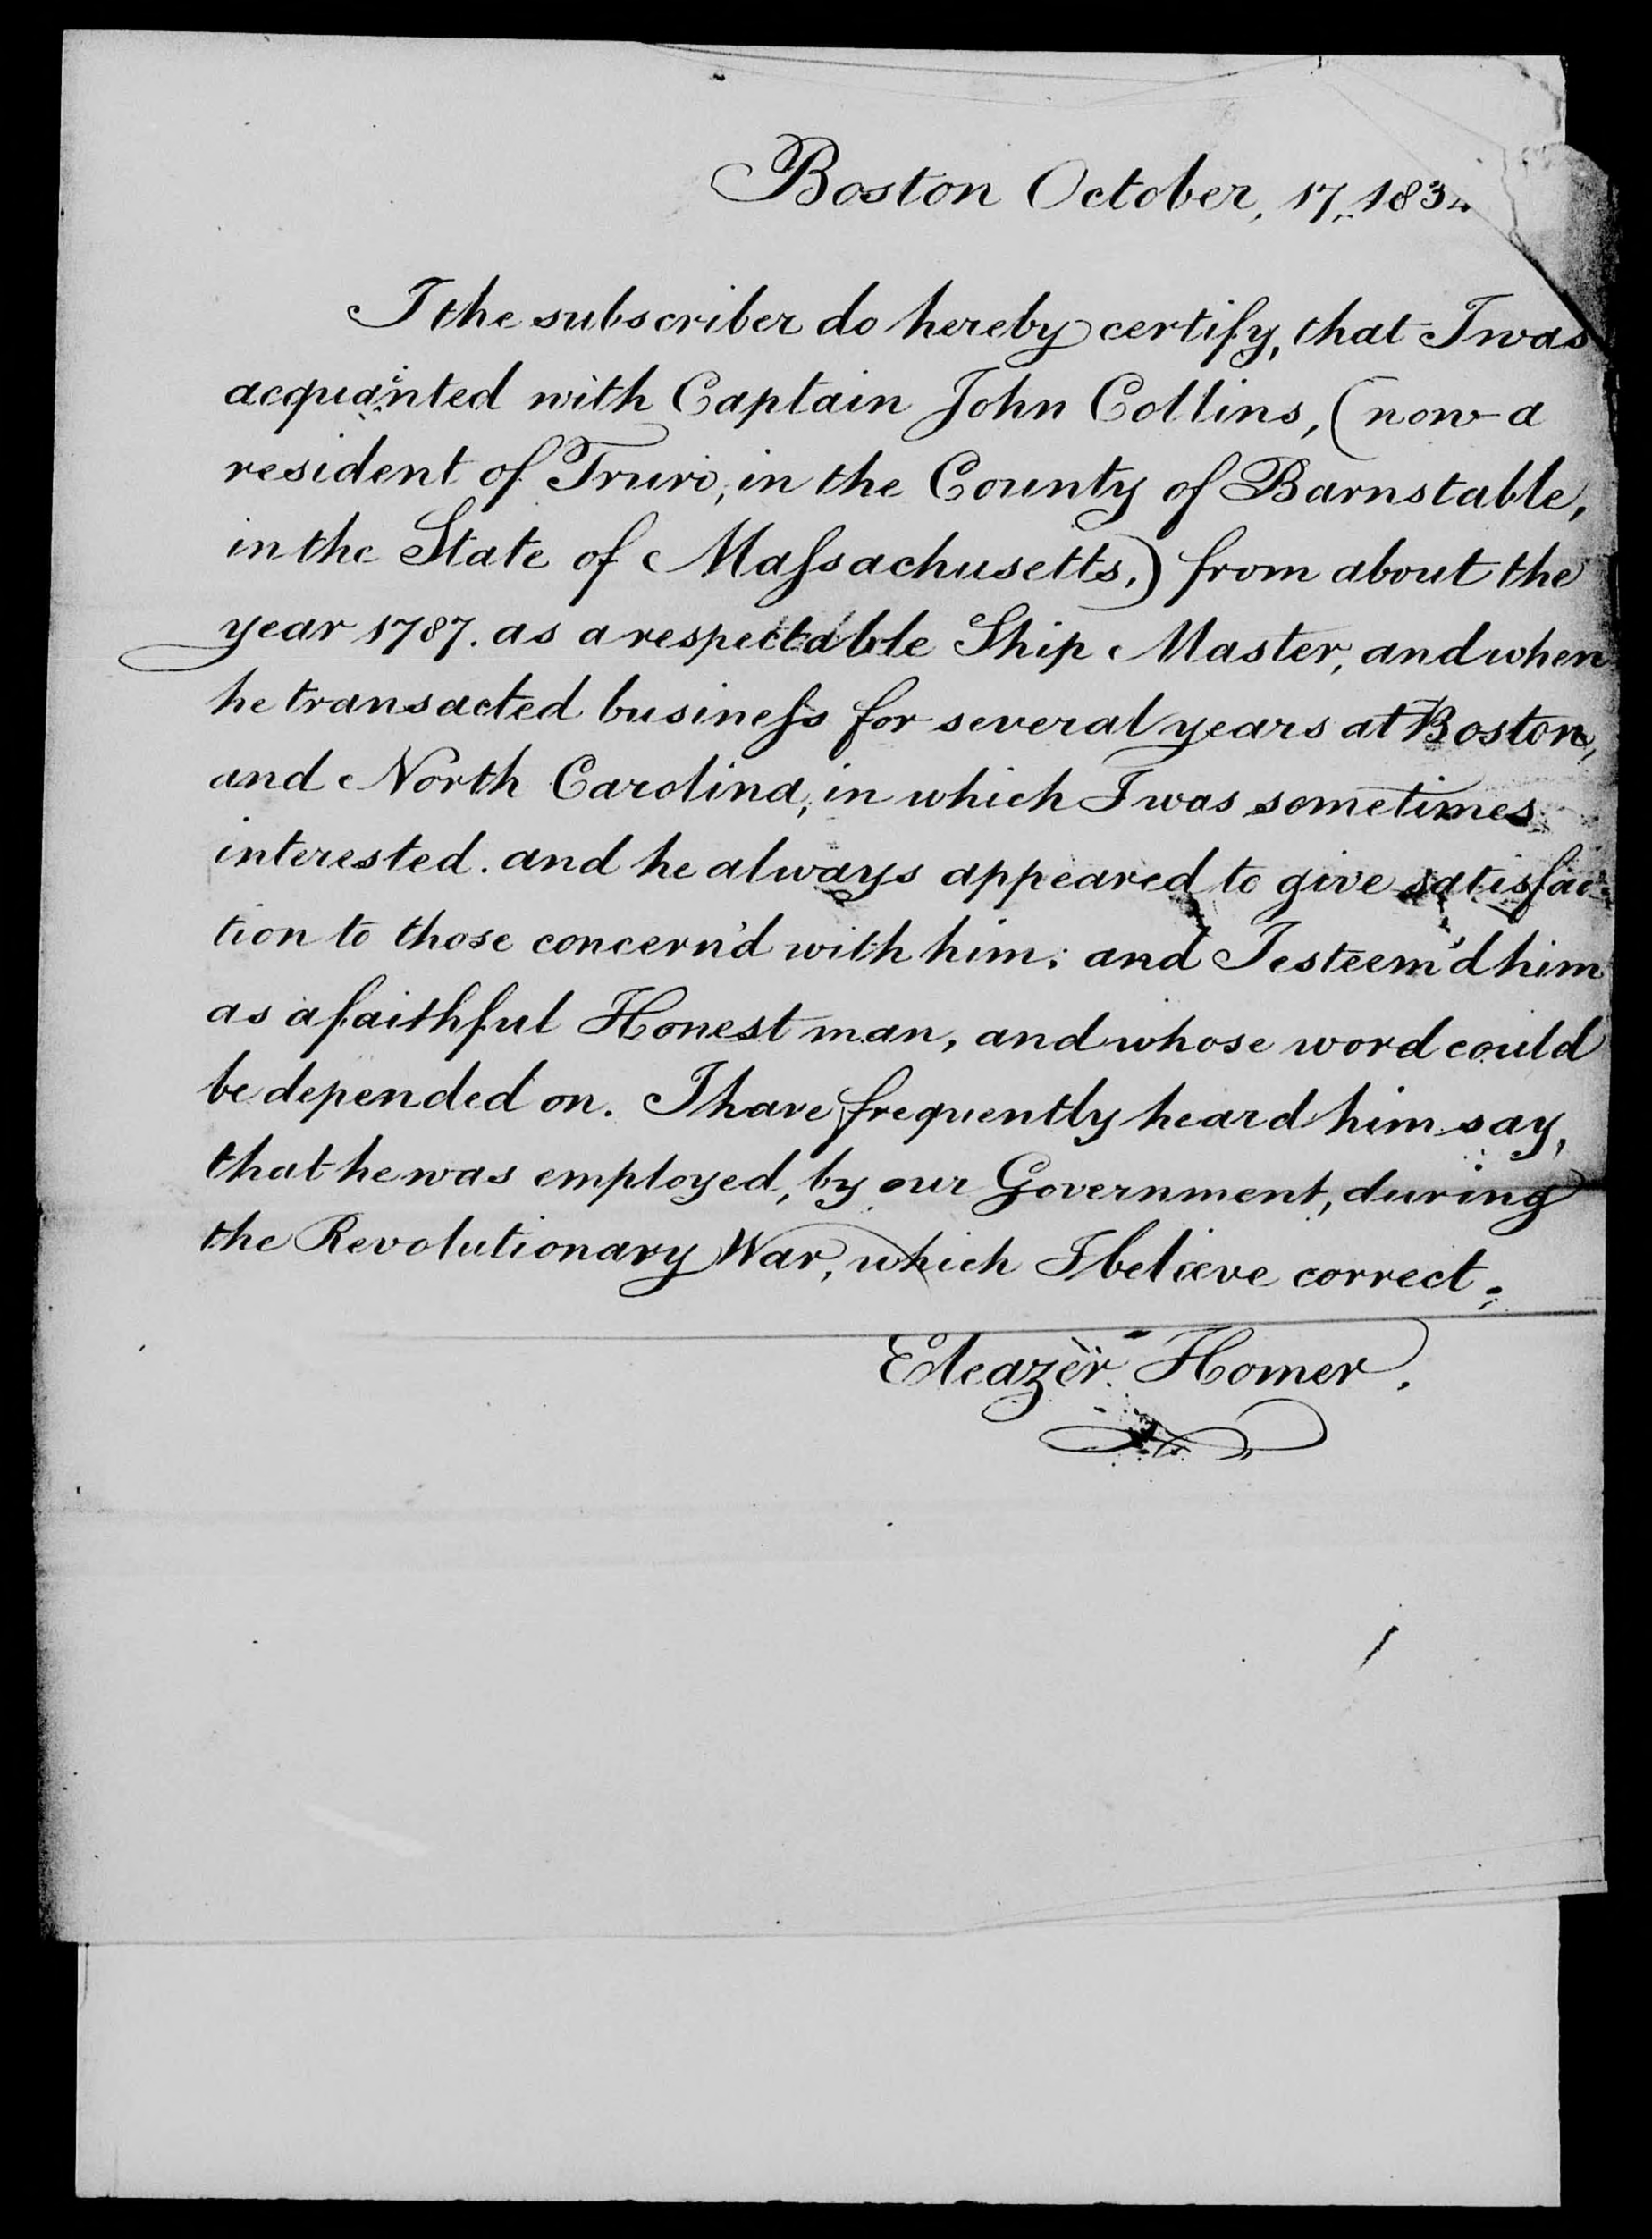Boston October, 17 1832 
I the subscriber do hereby certify, that was acquainted with Captain John Collins, (now resident of Truro in the County of Barnstable, in the State of Massachusetts), from about the year 1787, as respectable Ship Master, and when he transacted business for several years at Boston, and North Carolina, in which I was sometimes interested, and he always appeared to give satisfaction to those concern'd with him, and I esteem'd him as a faithful Honest man, and whose word could be depended on. I have frequently heard him say that he was employed, by our Government, during the Revolutionary War, which I believe correct 
Eleazer Homer,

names: Eleazer Homer, John Collins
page: 20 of 43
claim: survivor's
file: S. 29,732, John Collins, Mass. Navy